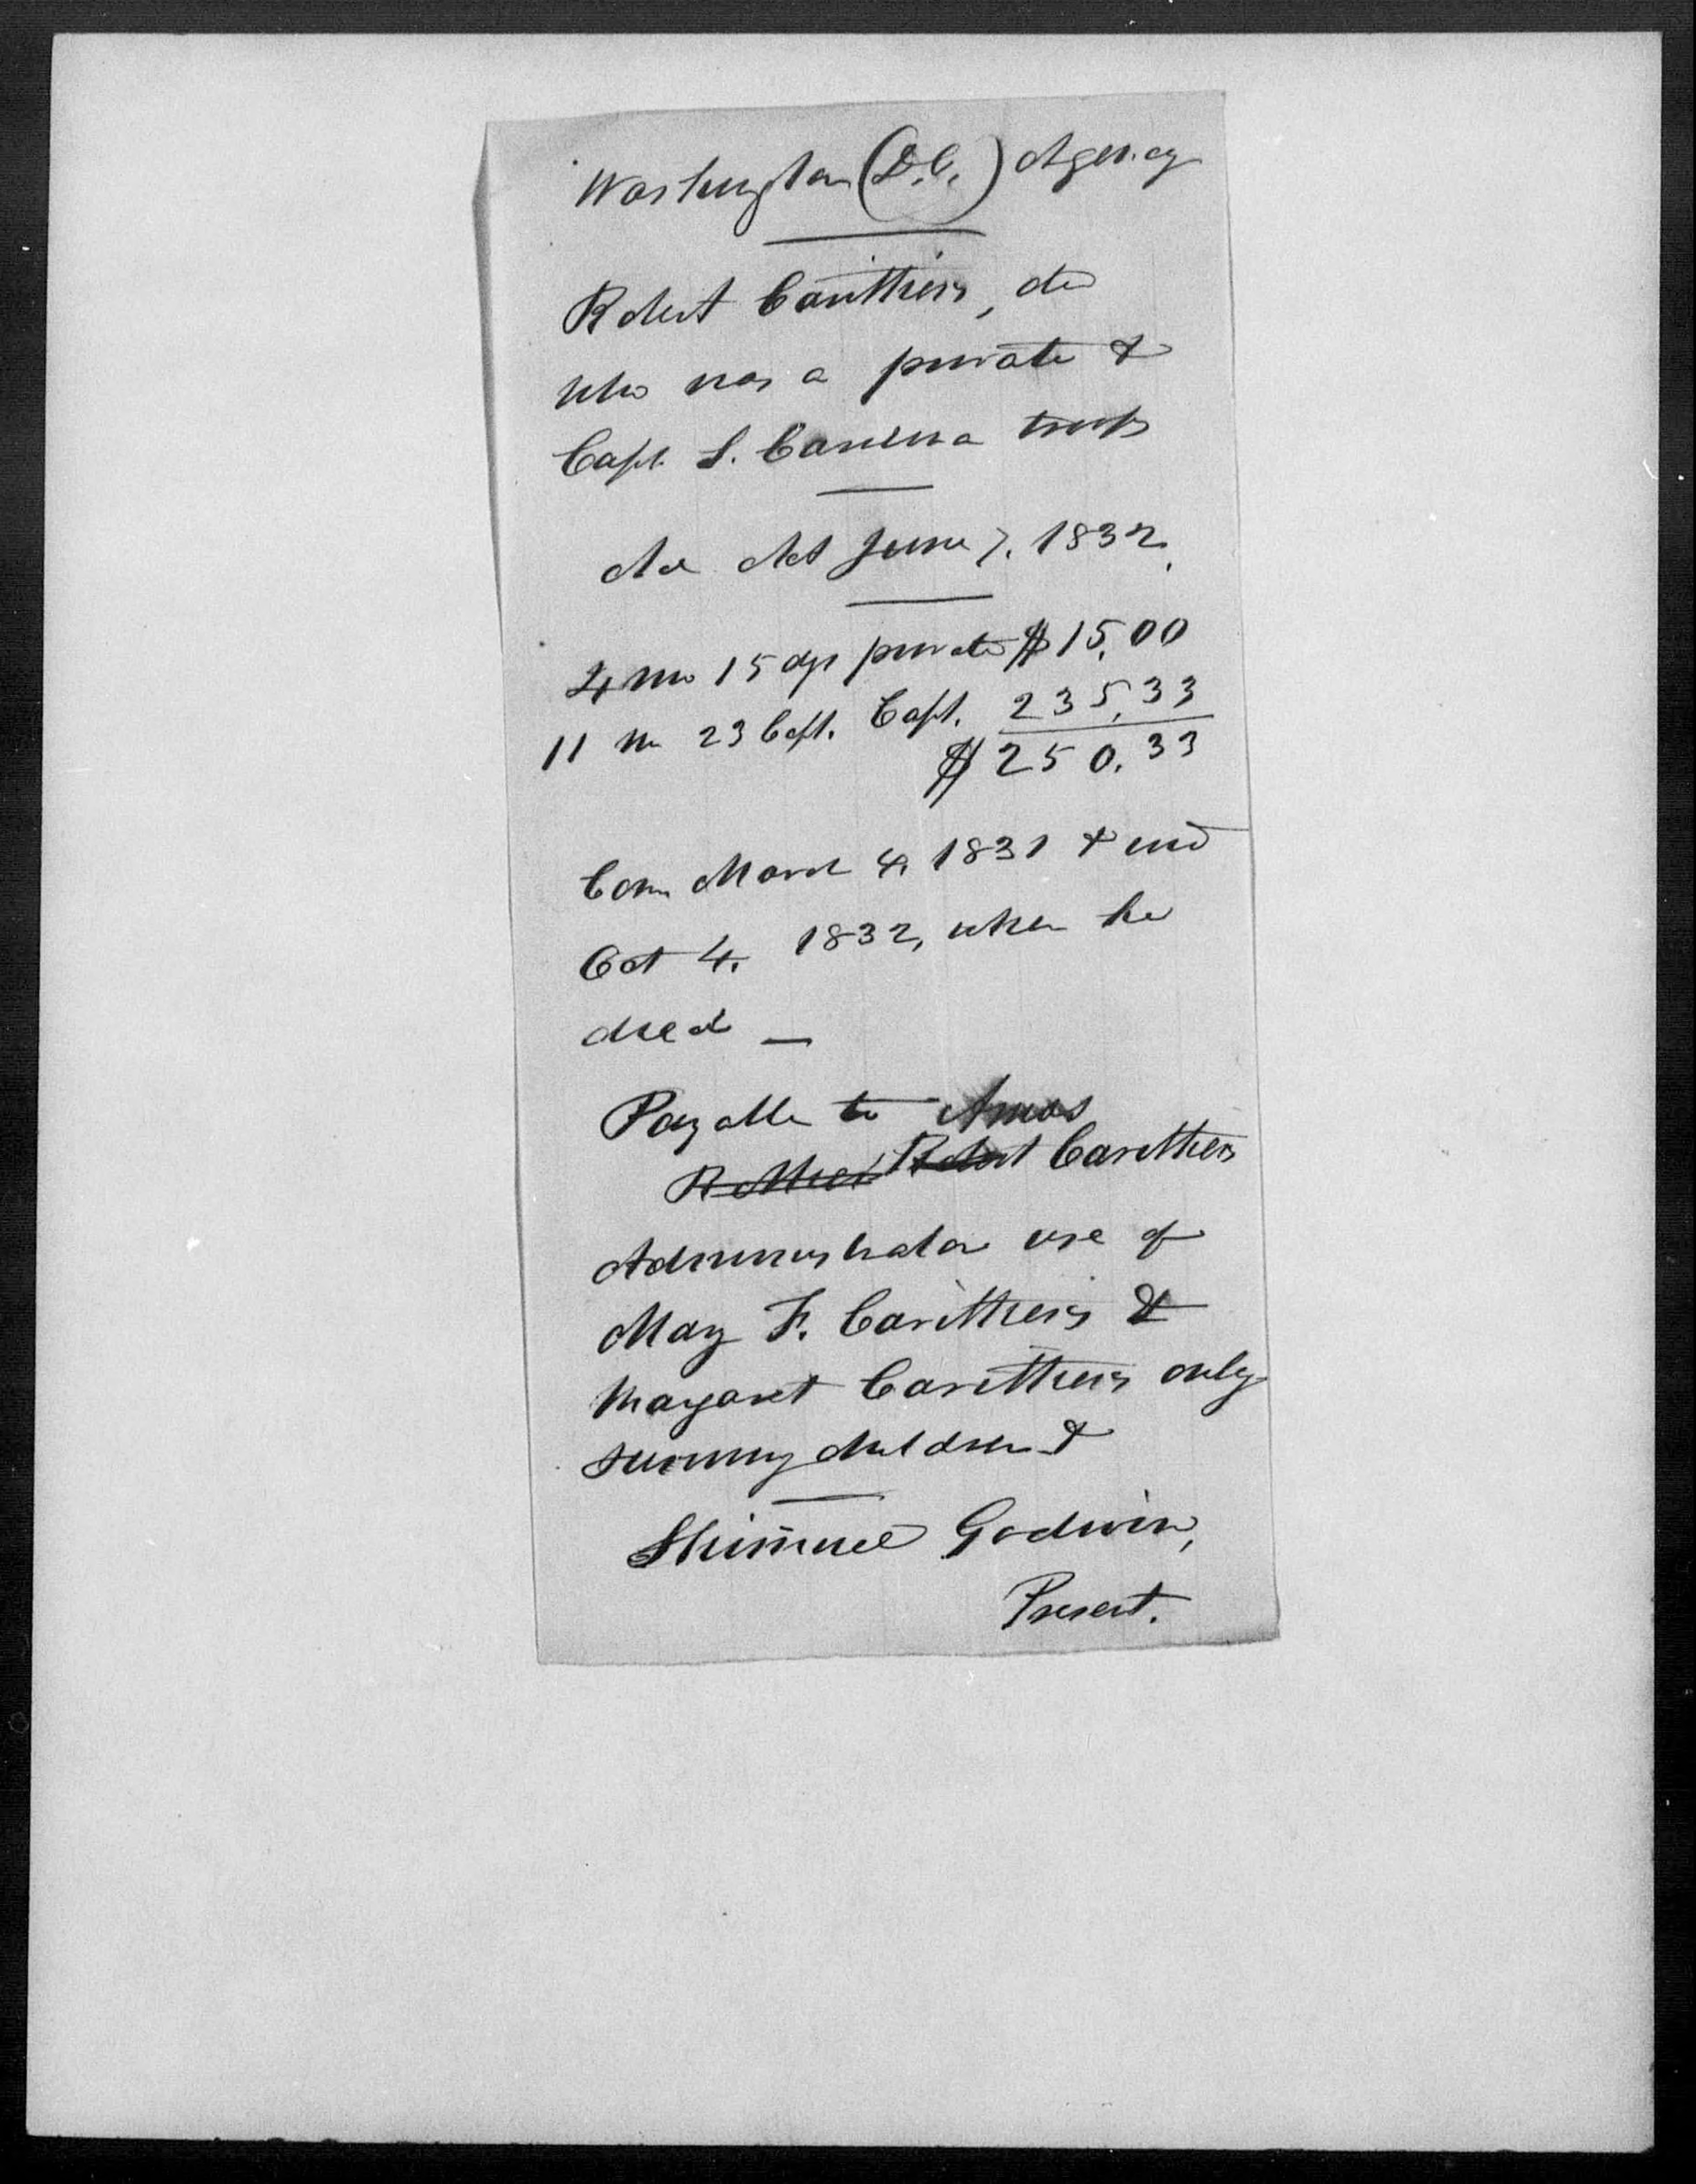Washington D.C. agency 
Robert Carithers, do who was a private & Capt S. Carissa troop
An Act June 7, 1832 
4 mo 15 days private $15,00 
11 m 23 Capt. Capt. 235.33 
$250.33 
Com March 4 1831 & end Oct 4. 1832, when he died 
Payable to Amos Carithers Administrator use of May F. Carithers & Margaret Carithers only [illegible] - Shimel Godwin Present.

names: Mary F Carithers, Amos, Robbert, Skimnel Godwin, Robert Carithers, Margaret Carithers, Robert Carithers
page: 17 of 33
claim: widow's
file: W. 23779, Robert Carithers, S.C.